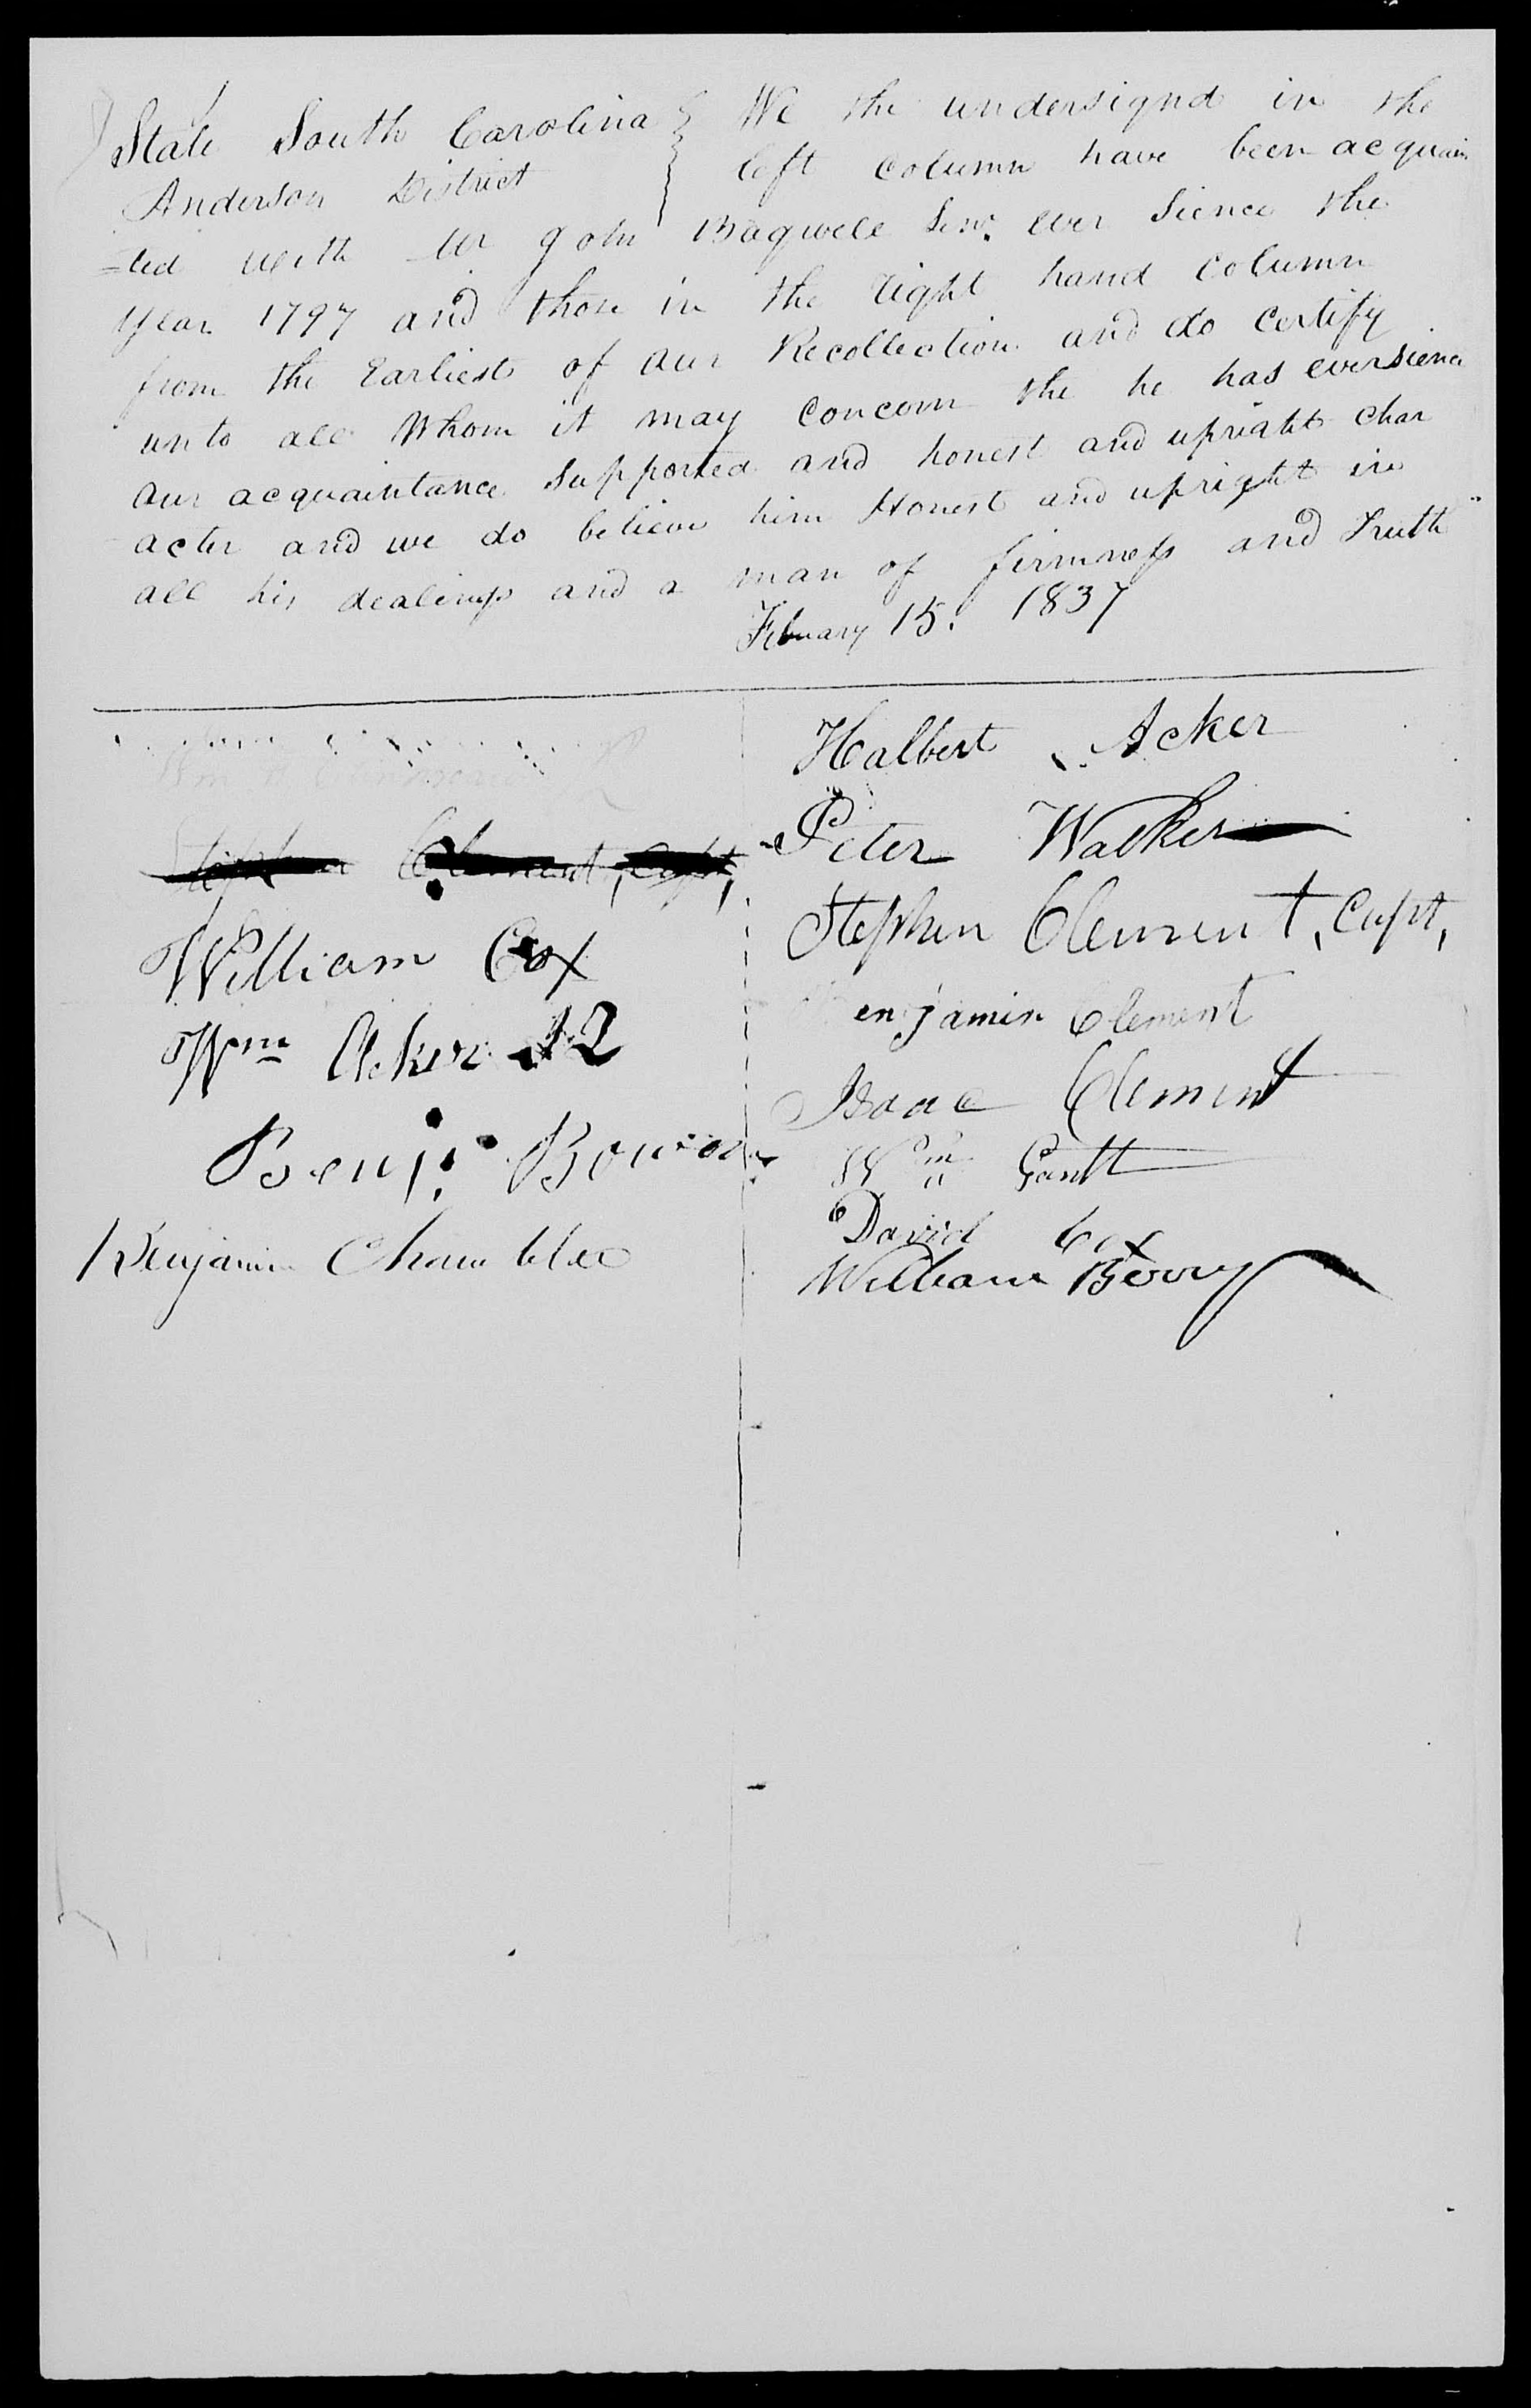State South Carolina ⎬
Anderson
District
 We the undersigned in the left column have
with
been acquainted with Mr. 
John Bagwell [  ] ever since the
year 1797 and those in the right hand column
from the earliest of our Recollection and do certify
unto all whom it may concern the he has ever since
our acquaintance supported and honest and upright character and we do believe him honest and upright in
all his dealings and a man of
firmness
February 15.
1837

|Halbert Acker
|Peter Walker
William Cox |Stephen Clement, Capt

Wm Acker [  ]|Benjamin Clement

Benj Bowen|Isaac Clement
Benjamin Chamblee|David
Canth
|David Cox
|William Berry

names: Stephen Clement, William Berry, Wm Acker, Benj Bowon, William Cox, John Bagwell, Benjamin Chamblee, Halbert Acker, Stephen Clement, Wm Gautt, Peter Walker, David Cox, Isaac Clement, Benjamin Clement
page: 20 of 36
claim: survivor's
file: S 6571, John Bagwell, N.C.